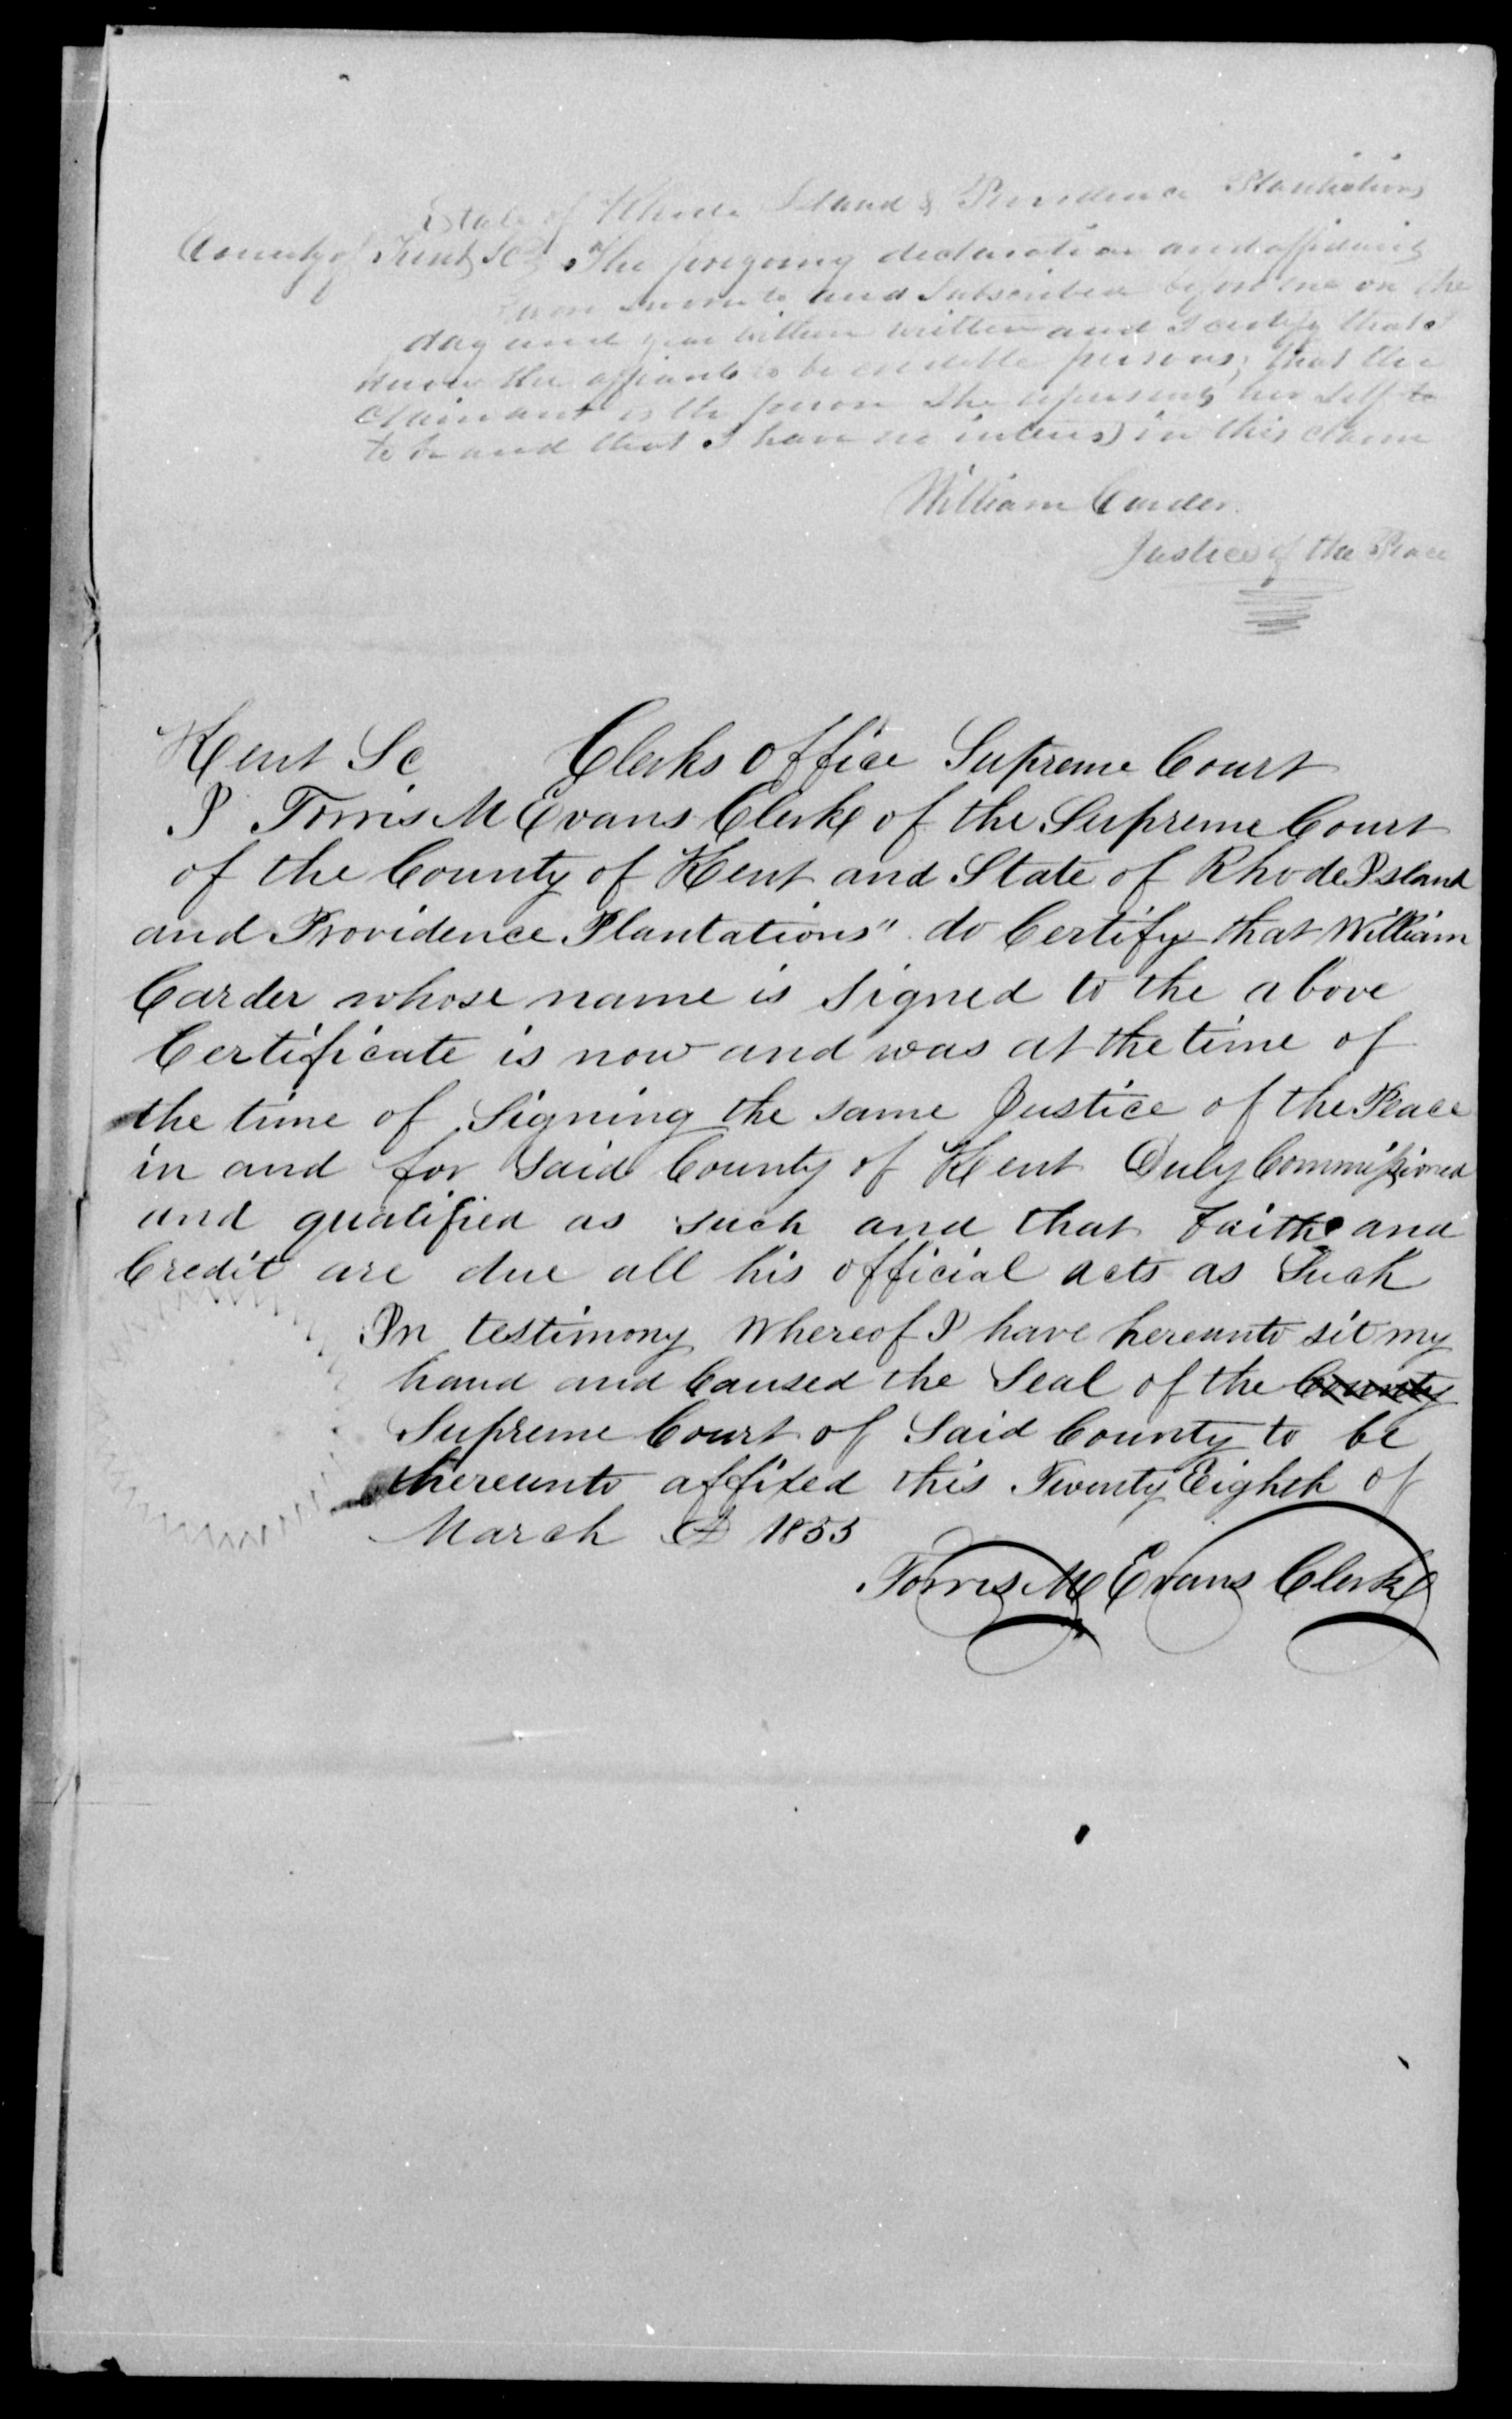State of Rhode Island & Providence Plantations
County of Kent jc. The foregoing declaration and affidavit was sworn to and subscribed before me on the day and year within written and I certify that I  perceive the affiants to be credible persons; that the
Claimant is the person the depositions herself to
to be and that I have no inters in this claim
William Corder Justice of the Peace

Kent Sc Clerks Office Supreme Court
I Torris M Evans Clerk of the Supreme Court
County of Kent and State of Rhode Island
Providence Plantations, do Certify that William
Carder whose name is signed to the above
Certificate is now and was at the time of
of Signing the same Justice of the Peace
in and for said County of Kent duly Commissioned and
qualified as such and that faith and credit
are due all his official acts as such
In testimony whereof I have hereunto set my
hand and caused the Seal of the County
Supreme Court of said County to be
thereunto affixed this Twenty Eighth of
March AD 1853
Torris M Evans Clerk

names: William Carder; Torris M Evans; William Carder; Torris M Evans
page: 20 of 50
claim: widow's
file: W. 22058, for Benjamin Rhodes, Rhode Island